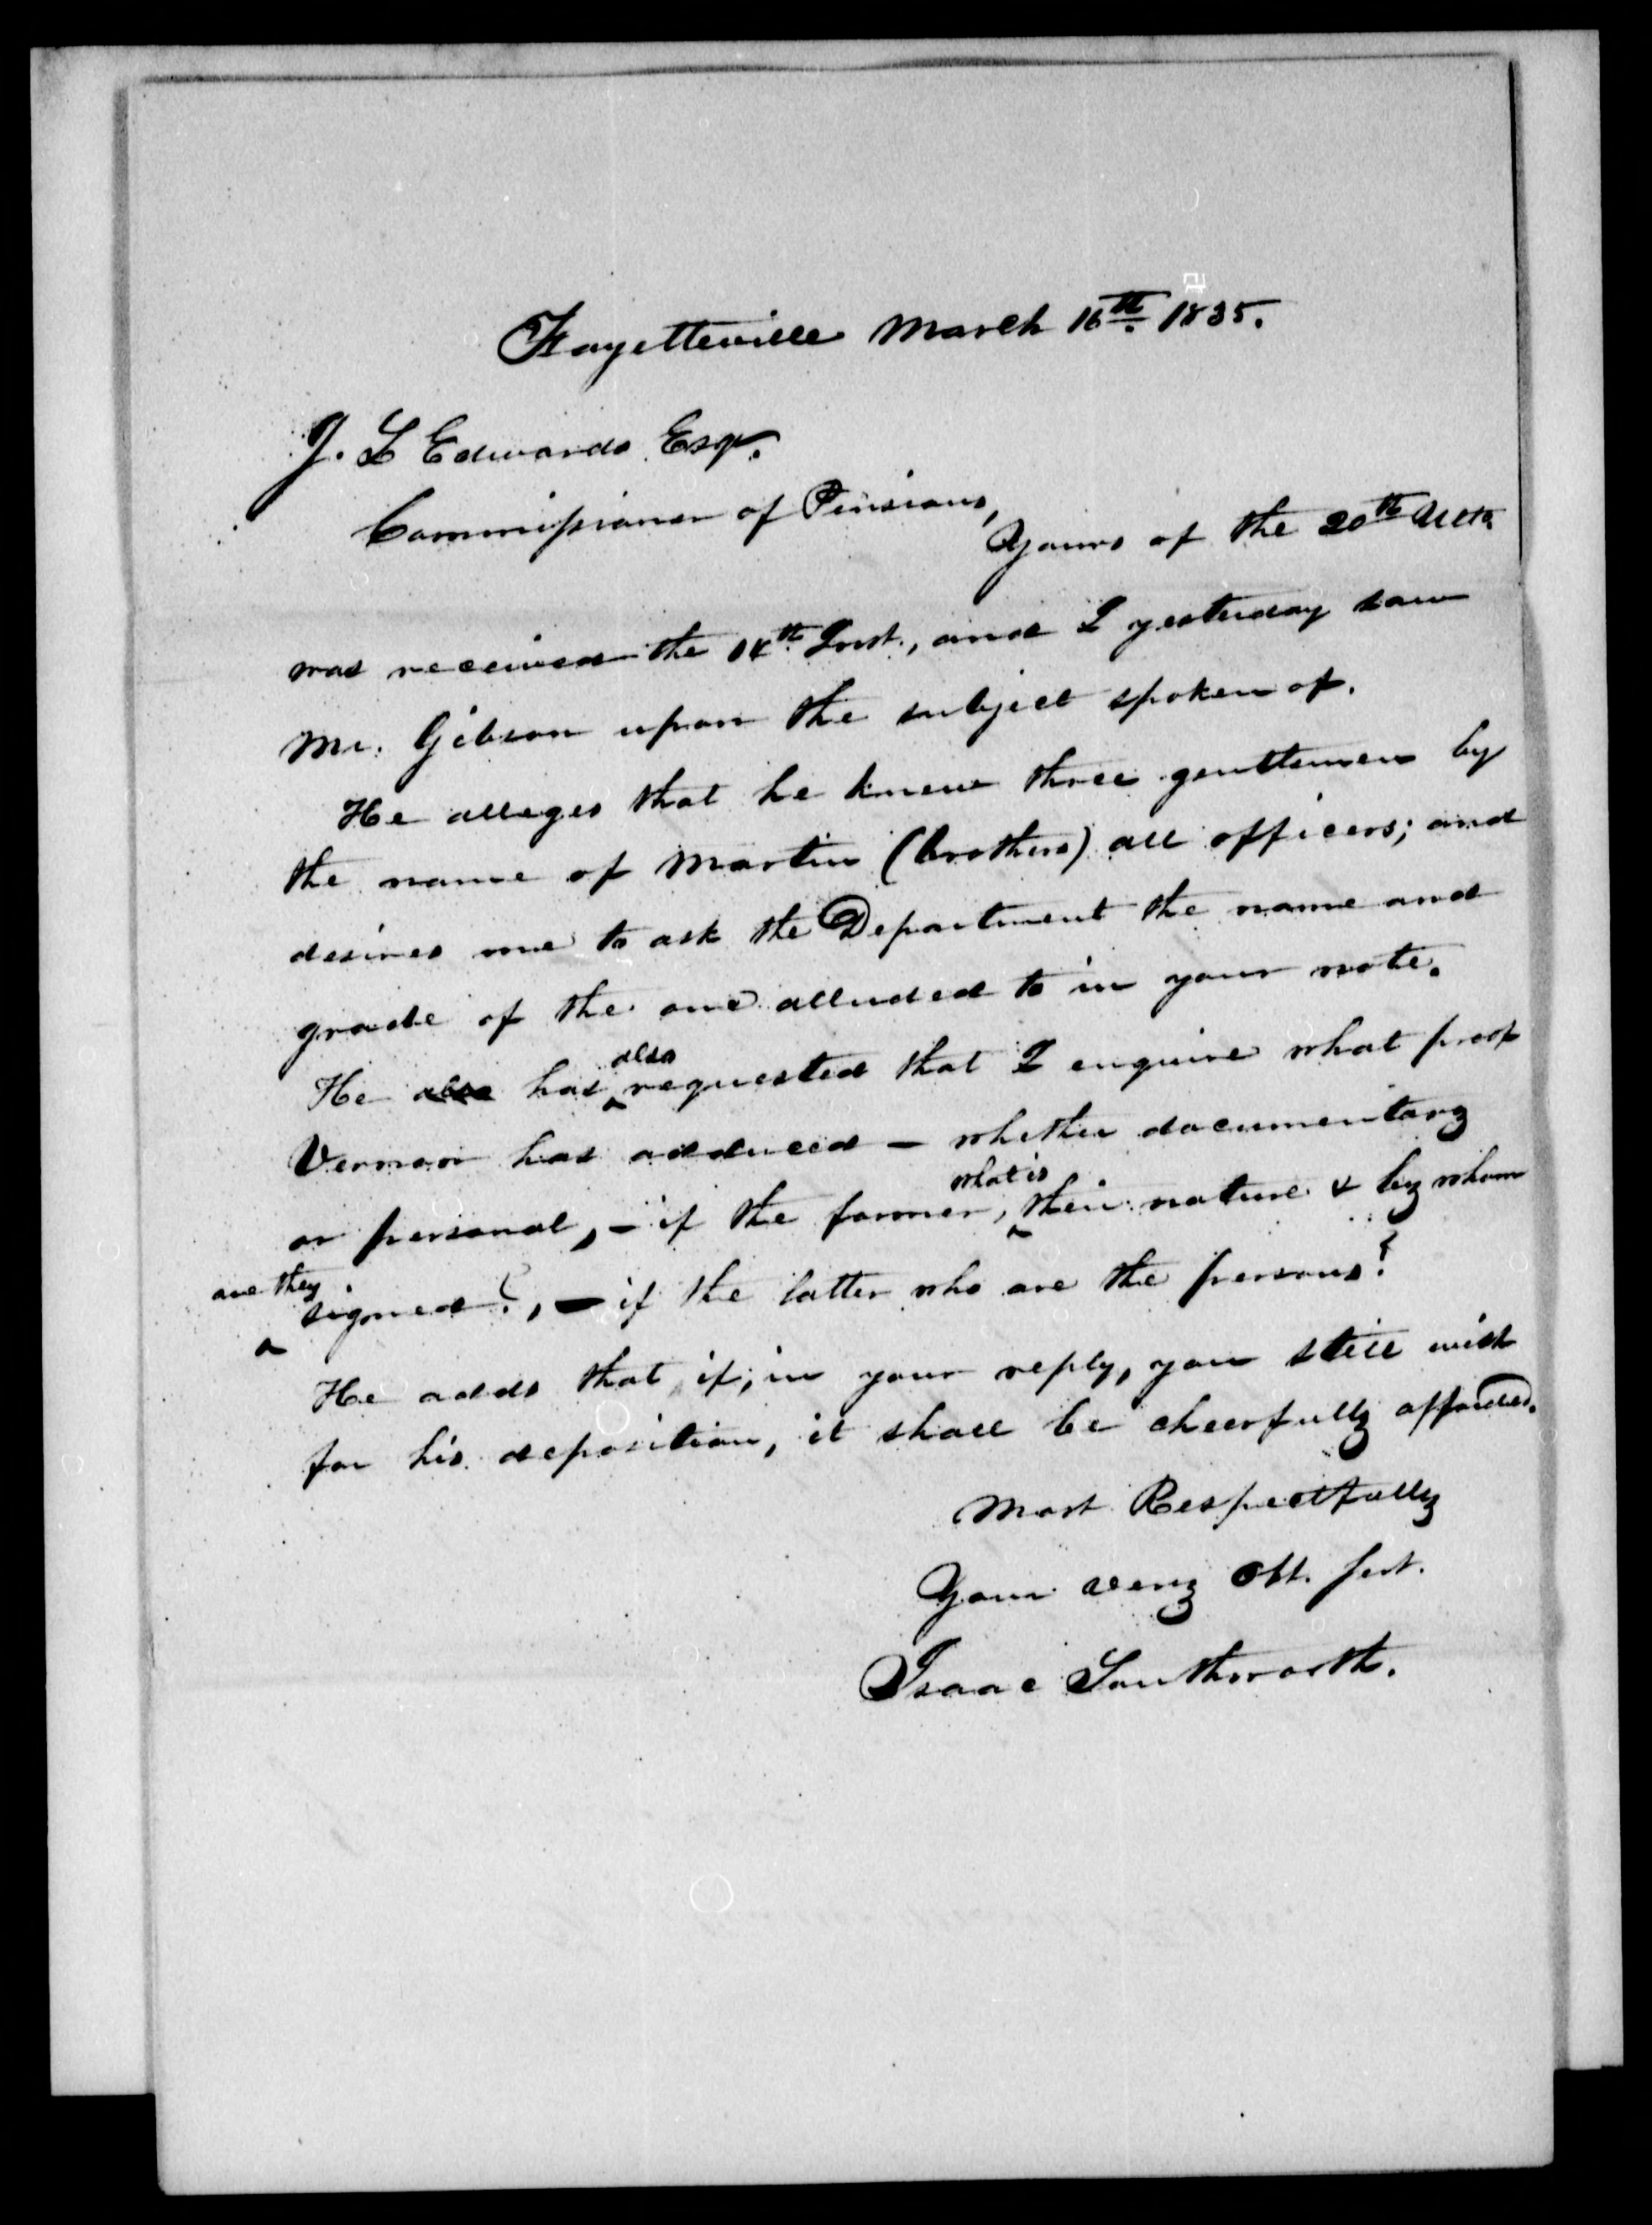Fayetteville March 16th. 1835.

J. L Edwards Esq. 
Commissioner of Pensions

Yours of the 20th  auth and received the 14th Just. Land I yesterday saw Mr. Gibson upon the subject spoken of.
He alleges that he knew three gentlemen by the name of Martin (brothers) and all officers; and desires me to ask the Department the name and grade of the one alluded to in your note.
He had also requested that I inquire what proof Vernon had addressed – whether documentary or personal, - if the former, what is their nature & by whom are they signed if the latter who are the persons?
He adds that if, in hour reply, you still wish for his deposition, it shall be cheerfully appended.
Most Respectfully
Your very obt. Sert.
Isaac Southworth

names: Isaac Southworth, Martin, Gibson, J L Edwards, Vernon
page: 58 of 105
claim: survivor's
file: S. 1883, Richard Vernon, N.C.